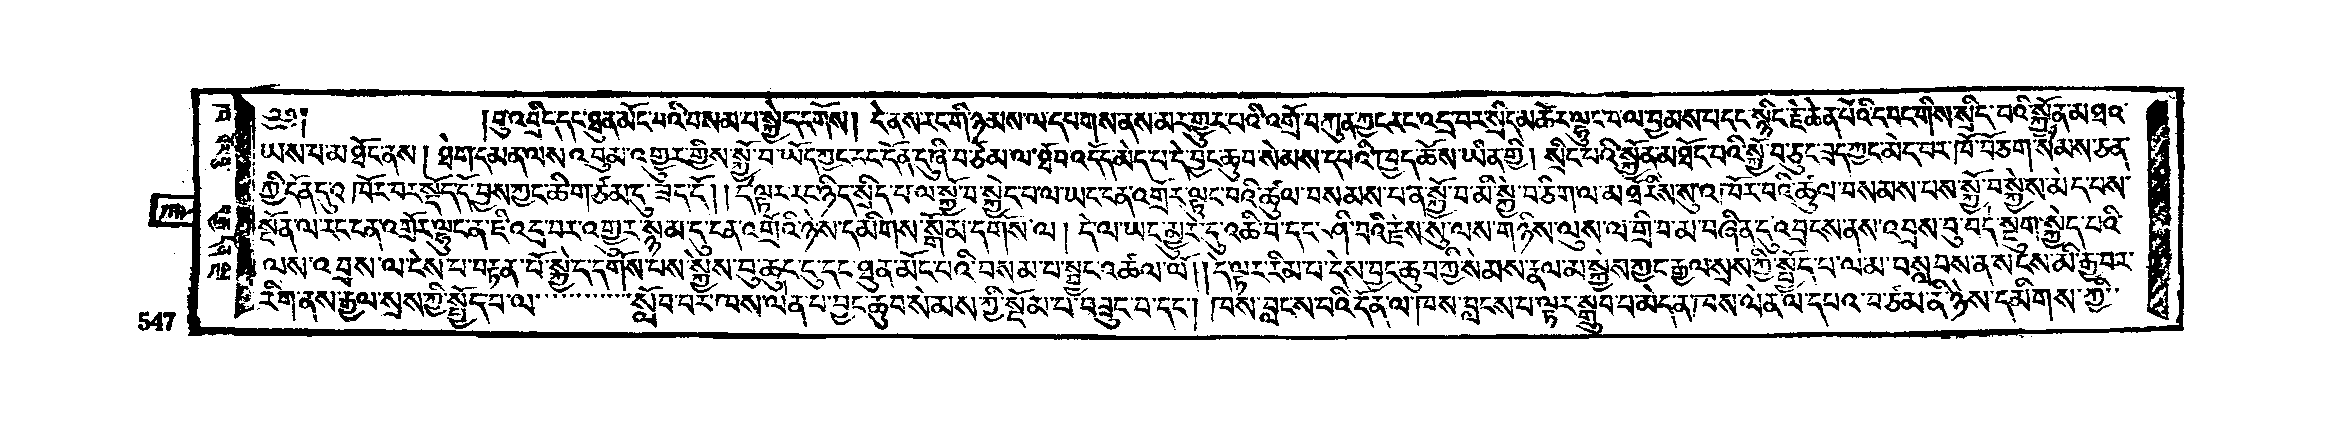༄༅། །བུ་འབྲིང་དང་ཐུན་མོང་པའི་བསམ་པ་སྐྱེད་དགོས། དེ་ནས་རང་གི་ཉམས་ལ་དཔགས་ནས་མར་གྱུར་པའི་འགྲོ་བ་ཀུན་ཀྱང་རང་འདྲ་བར་སྲིད་མཚོར་ལྷུང་བ་ལ་བྱམས་པ་དང་སྙིང་རྗེ་ཆེན་པོའི་དབང་གིས་སྲིད་པའི་སྐྱོན་མཐའ་
ཡས་པ་མཐོང་ནས། ཐེག་དམན་ལས་འབུམ་འགྱུར་གྱིས་སྐྱོ་བ་ཡོད་ཀྱང་རང་དོན་དུ་ཞི་བ་ཙམ་ལ་ཐོབ་འདོད་མེད་པ་དེ་བྱང་ཆུབ་སེམས་དཔའི་ཁྱད་ཆོས་ཡིན་གྱི། སྲིད་པའི་སྐྱོན་མཐོང་བའི་སྐྱོ་བ་ཅུང་ཟད་ཀྱང་མེད་པར་ཁོ་བོ་ཅག་སེམས་ཅན་
གྱི་དོན་དུ་འཁོར་བར་སྡོད་དོ་བྱས་ཀྱང་ཚིག་ཙམ་དུ་ཟད་དོ། །དེ་ལྟར་རང་ཉིད་སྲིད་པ་ལ་སྐྱོ་བ་སྐྱེད་པ་ལ་ཡང་ངན་འགྲོར་ལྟུང་བའི་ཚུལ་བསམས་པ་ན་སྐྱོ་བ་མི་སྐྱེ་བ་ཅིག་ལ་མཐོ་རིས་སུ་འཁོར་བའི་ཚུལ་བསམས་པས་སྐྱོ་བ་སྐྱེས་མེད་པས་
སྔོན་ལ་རང་ངན་འགྲོར་ལྷུང་ན་ཇི་འདྲ་བར་འགྱུར་སྙམ་དུ་ངན་འགྲོའི་ཉེས་དམིགས་སྒོམ་དགོས་ལ། དེ་ལ་ཡང་མྱུར་དུ་འཆི་བ་དང་ཤི་བའི་རྗེས་སུ་ལས་གཉིས་ལུས་ལ་གྲིབ་མ་བཞིན་དུ་འབྲངས་ནས་འབྲས་བུ་བདེ་སྡུག་སྐྱེད་པའི་
ལས་འབྲས་ལ་ངེས་པ་བརྟན་པོ་སྐྱེད་དགོས་པས་སྐྱེས་བུ་ཆུང་ངུ་དང་ཐུན་མོང་པའི་བསམ་པ་སྦྱང་འཚལ་ལོ། །དེ་ལྟར་རིམ་པ་དེས་བྱང་ཆུབ་ཀྱི་སེམས་རྣལ་མ་སྐྱེས་ཀྱང་རྒྱལ་སྲས་ཀྱི་སྤྱོད་པ་ལ་མ་བསླབས་ན་སངས་མི་རྒྱ་བར་
རིག་ནས་རྒྱལ་སྲས་ཀྱི་སྤྱོད་པ་ལ་སློབ་པར་ཁས་ལེན་པ་བྱང་ཆུབ་སེམས་ཀྱི་སྡོམ་པ་བཟུང་བ་དང་། ཁས་བླངས་པའི་དོན་ལ་ཁས་བླངས་པ་ལྟར་སྒྲུབ་པ་མེད་ན་ཁས་ལེན་ལ་དཔའ་བ་ཙམ་ནི་ཉེས་དམིགས་ཀྱི་